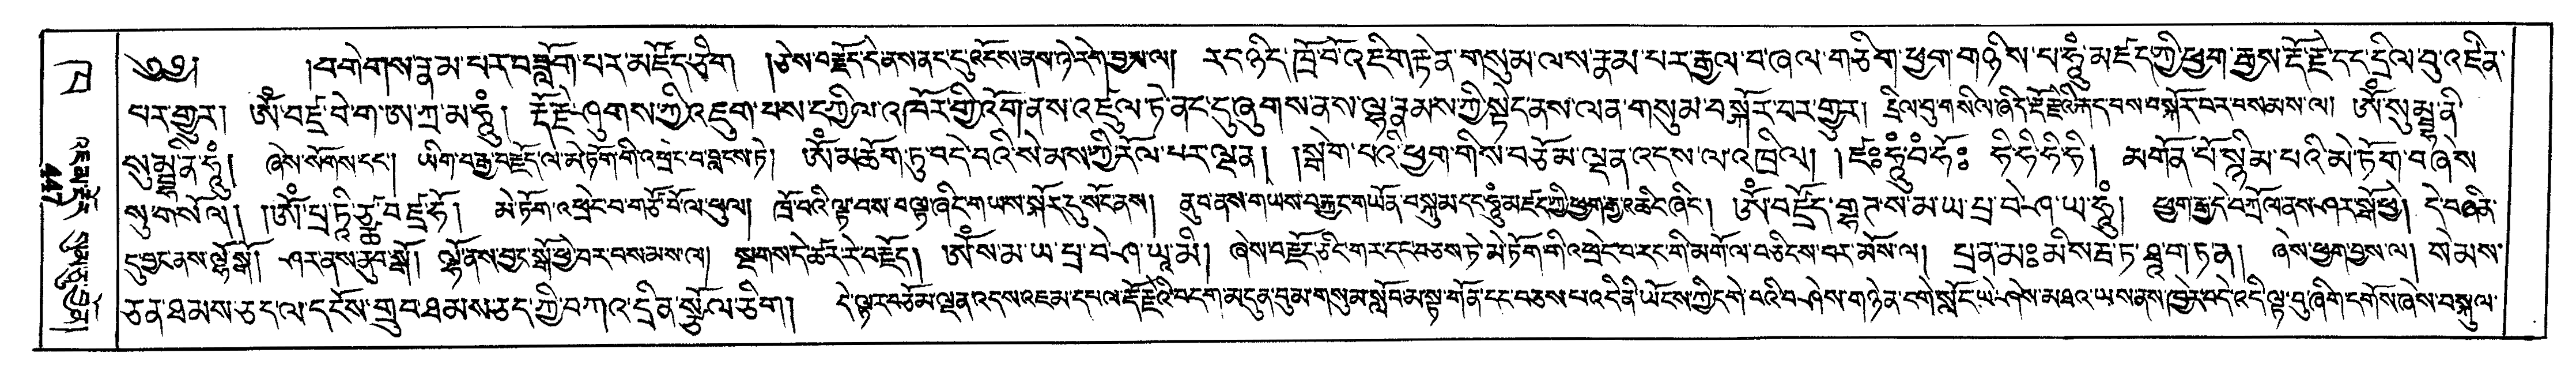༄༅། །བགེགས་རྣམ་པར་བཟློག་པར་མཛོད་ཅིག །ཅེས་བརྗོད་དེ་ནས་ནང་དུ་འོངས་ནས་ཉེ་རེག་བྱས་ལ། རང་ཉིད་ཁྲོ་བོ་འཇིག་རྟེན་གསུམ་ལས་རྣམ་པར་རྒྱལ་བ་ཞལ་གཅིག་ཕྱག་གཉིས་པ་ཧཱུཾ་མཛད་ཀྱི་ཕྱག་རྒྱས་རྡོ་རྗེ་དང་དྲིལ་བུ་འཛིན་
པར་གྱུར། ཨོཾ་བཛྲ་བེ་ག་ཨ་ཀྲ་མ་ཧཱུཾ། རྡོ་རྗེ་ཤུགས་ཀྱི་འཇུག་པས་དཀྱིལ་འཁོར་གྱི་འོག་ནས་འཛུལ་ཏེ་ནང་དུ་ཞུགས་ནས་ལྷ་རྣམས་ཀྱི་སྟེང་ནས་ལན་གསུམ་བསྐོར་བར་གྱུར། དྲིལ་བུ་གསིལ་ཞིང་རྡོ་རྗེའི་རྐང་པས་བསྐོར་བར་བསམས་ལ། ཨོཾ་སུམྦྷ་ནི་
སུམྦྷ་ནི་ཧཱུཾ། ཞེས་སོགས་དང་། ཡིག་བརྒྱ་བརྗོད་ལ་མེ་ཏོག་གི་འཕྲེང་བ་བླངས་ཏེ། ཨོཾ་མཆོག་ཏུ་བདེ་བའི་སེམས་ཀྱི་རོལ་པར་ལྡན། །སྒེག་པའི་ཕྱག་གིས་བཅོམ་ལྡན་འདས་ལ་འཁྲིལ། །ཛཿ ཧཱུཾ་བཾ་ཧོཿ ཧི་ཧི་ཧི་ཧི། མགོན་པོ་སྙིམ་པའི་མེ་ཏོག་བཞེས་
སུ་གསོལ། །ཨོཾ་པྲ་ཏཱིཙྪ་བཛྲ་ཧོ། མེ་ཏོག་འཕྲེང་བ་གཙོ་བོ་ལ་ཕུལ། ཁྲོ་བོའི་ལྟ་བས་བལྟ་ཞིང་གཡས་སྐོར་དུ་སོང་ནས། ནུབ་ནས་གཡས་བརྐྱང་གཡོན་བསྐུམ་དང་ཧཱུཾ་མཛད་ཀྱི་ཕྱག་རྒྱ་འཆིང་ཞིང་། ཨོཾ་བཛྲོད་གྷཊ་ས་མ་ཡ་པྲ་བེ་ཤ་ཡ་ཧཱུཾ། ཕྱག་རྒྱ་དེ་བཀྲོལ་ནས་ཤར་སྒོ་ཕྱེ། དེ་བཞིན་
དུ་བྱང་ནས་ལྷོ་སྒོ། ཤར་ནས་ནུབ་སྒོ། ལྷོ་ནས་བྱང་སྒོ་ཕྱེ་བར་བསམས་ལ། སྔགས་དེ་ཚར་རེ་བརྗོད། ཨོཾ་ས་མ་ཡ་པྲ་བེ་ཤ་ཡ་མི། ཞེས་བརྗོད་ཅིང་གར་དང་བཅས་ཏེ་མེ་ཏོག་གི་འཕྲེང་བ་རང་གི་མགོ་ལ་བཅིངས་པར་མོས་ལ། པྲ་ན་མཿ མི་སརྦ་ཏ་ཐཱ་ག་ཏ་ན། ཞེས་ཕྱག་བྱས་ལ། སེམས་
ཅན་ཐམས་ཅད་ལ་དངོས་གྲུབ་ཐམས་ཅད་ཀྱི་བཀའ་དྲིན་སྩོལ་ཅིག། དེ་ལྟར་བཅོམ་ལྡན་འདས་འཇམ་དཔལ་རྡོ་རྗེའི་བདག་མདུན་བུམ་གསུམ་སློབ་མ་སྟ་གོན་དང་བཅས་པ་འདི་ནི་ཡོངས་ཀྱི་དགེ་བའི་བཤེས་གཉེན་དགེ་སློང་ཡེ་ཤེས་མཐའ་ཡས་ནས་ཁྱེར་བདེ་འདི་ལྟ་བུ་ཞིག་དགོས་ཞེས་བསྐུལ་